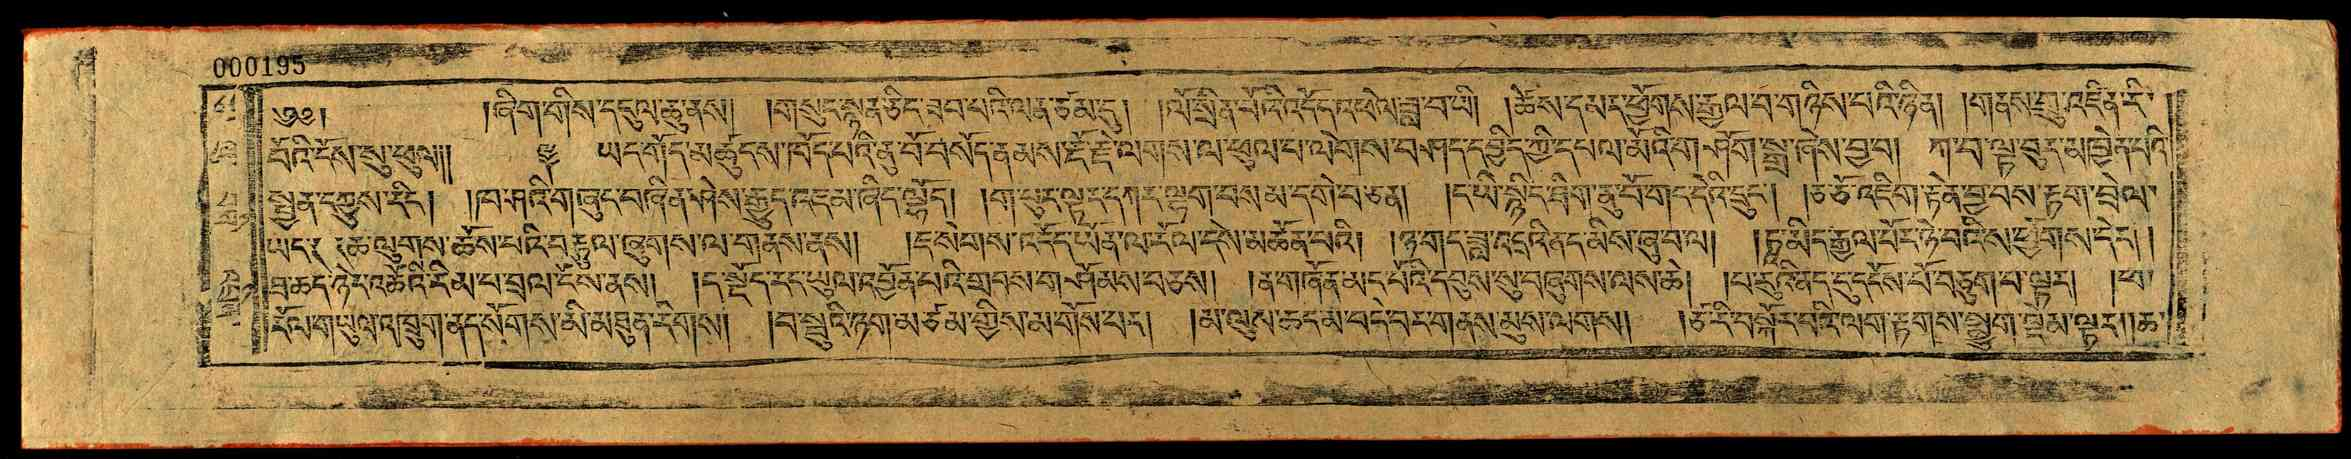༄༅། །ཞིག་གིས་དངུལ་ཆུ་ནས། །གསུང་སྙན་ཅིང་ཟབ་པའི་ལན་ཙམ་དུ། །ལོ་སྲིན་པོའི་འདོད་འཕེལ་ཟླ་བ་ཡི། །ཚེས་དམར་ཕྱོགས་རྒྱལ་བ་གཉིས་པའི་ཉིན། །གནས་གྲུ་འཛིན་རི་
བོའི་ངོས་སུ་ཕུལ།། ༈ ཡང་གོང་མཚུངས་ཁོང་པའི་ནུ་བོ་བསོད་ནམས་རྡོ་རྗེ་ལགས་ལ་ཕུལ་བ་ལེགས་བཤད་དཔྱིད་ཀྱི་དཔལ་མོའི་གཤོག་སྒྲ་ཞེས་བྱ་བ། ཀ་བ་ལྟ་བུར་མཁྱེན་པའི་
སྤྱན་དཀྱུས་རིང་། །ཁ་ཤའི་གཞུང་བཞིན་ཤེས་རྒྱུད་འཇམ་ཞིང་ལྷོད། །ག་པུར་ལྟར་དཀར་ལྷག་བསམ་དགེ་བ་ཅན། །ང་ཡི་སྙིང་ཐིག་ནུ་བོ་གང་དེའི་དྲུང་། །ཅ་ཅོ་འཇིག་རྟེན་བྱ་བས་རྟག་བྲེལ་
ཡང༑ ༑ཆ་ལུགས་ཆོས་པའི་བརྟུལ་ཞུགས་ལ་གནས་ནས། །ཇ་སོགས་འདོད་ཡོན་ལ་རོལ་ངེས་མཚོན་པའི། །ཉ་གང་ཟླ་འདྲའི་ནད་མིས་ཞུ་བ་ལ། །ཏཱ་མིང་རྒྱལ་པོར་ཉེ་བའི་ས་ཕྱོགས་དེར། །
ཐ་ཆད་ཉེར་འཚེའི་རིམ་པ་བྲལ་ངོས་ནས། །ད་སྡོད་རང་ཡུལ་འབྱོན་པའི་གྲབས་གཤོམས་བཅས། །ན་གཞོན་མང་པོའི་དབུས་སུ་བཞུགས་ལས་ཆེ། །བ་རུའི་ནང་དུ་དངོས་པོ་བཅུག་པ་ལྟར། །ཕ་
རོལ་གཡུལ་འཁྲུག་ནད་སོགས་མི་མཐུན་རིགས། །བ་སྤུའི་ཉག་མ་ཙམ་གྱིས་མ་གོས་པར། །མ་ལུས་ཚང་མ་བདེ་བར་གནས་མུས་ལགས། །ཙ་རི་བསྐོར་བའི་ལག་རྟགས་སྨྱུག་ལྡོམ་ལྟར། །ཚ་